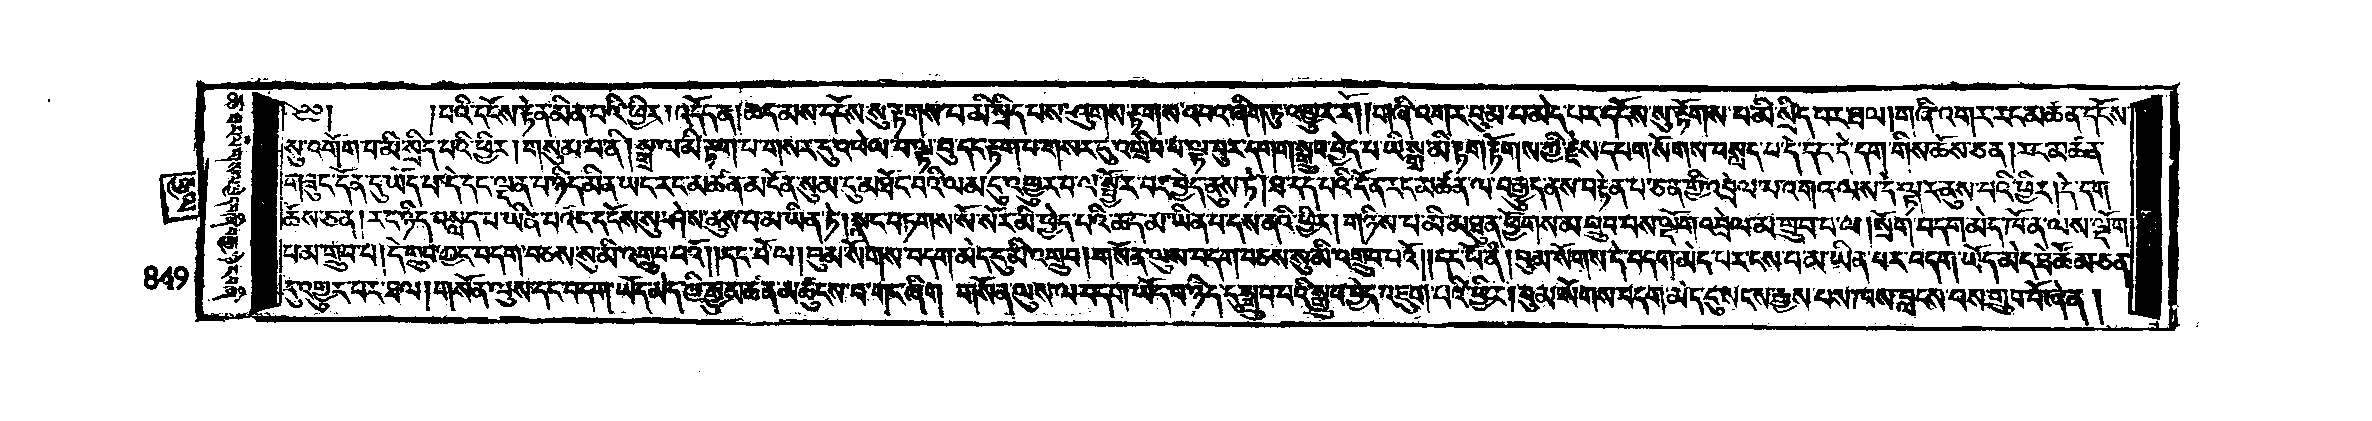༄༅། །པའི་དངོས་རྟེན་མིན་པའི་ཕྱིར། འདོད་ན། ཚད་མས་དངོས་སུ་རྟགས་པ་མི་སྲིད་པས་ཤུགས་རྟགས་འབའ་ཞིག་ཏུ་འགྱུར་རོ། །གཞི་འགར་བུམ་པ་མེད་པར་དངོས་སུ་རྟོགས་པ་མི་སྲིད་པར་ཐལ། གཞི་འགར་རང་མཚན་དངོས་
སུ་འགོག་པ་མི་སྲིད་པའི་ཕྱིར། གསུམ་པ་ནི། སྒྲ་ལ་མི་རྟག་པ་གསར་དུ་འཕེལ་བ་ལྟ་བུ་དང་རྟག་པ་གསར་དུ་འགྲིབ་པ་ལྟ་བུར་དགག་སྒྲུབ་བྱེད་པ་ཡི་སྒྲ་མི་རྟག་རྟོགས་ཀྱི་རྗེས་དཔག་སོགས་བསླད་པ་དེ་དང་དེ་དག་གིས་ཆོས་ཅན། རང་མཚན་
གཟུང་དོན་དུ་ཡོད་པ་དེ་དང་ལྡན་པ་ཉིད་མིན་ཡང་རང་མཚན་མངོན་སུམ་དུ་མཐོང་བའི་ལམ་དུ་འགྱུར་བ་ལ་སྦྱོར་བར་བྱེད་ནུས་ཏེ། ཐ་དད་པའི་དོན་རང་མཚན་ལ་བརྒྱུད་ནས་བརྟེན་པ་ཅན་གྱི་འབྲེལ་པ་འགའ་ལས་དེ་ལྟར་ནུས་པའི་ཕྱིར། དེ་དག་
ཆོས་ཅན། རང་ཉིད་བསླད་པ་ཡིན་པའི་ང་དངོས་སུ་ཤེས་ནུས་པ་མ་ཡིན་ཏེ། སྣང་བཏགས་སོ་སོར་མི་ཕྱེད་པའི་ཆད་མ་ཡིན་པ་དས་ནའི་ཕྱིར། གཉིས་པ་མི་མཐུན་ཕྱོགས་མ་གྲུབ་པས་ལྡོག་འབྲེལ་མ་གྲུབ་པ་ལ། སྲོག་བདག་མེད་ཁོ་ན་ལས་ལྡོག་
པ་མ་གྲུབ་པ། དེ་གྲུབ་ཀྱང་བདག་བཅས་སུ་མི་འགྲུབ་པའོ། །དང་པོ་ལ། བུམ་སོགས་བདག་མེད་དུ་མི་འགྲུབ། གསོན་ལུས་བདག་བཅས་སུ་མི་འགྲུབ་པའོ། །དང་པོ་ནི། བུམ་སོགས་དེ་བདག་མེད་པར་ངས་པ་མ་ཡིན་པར་བདག་ཡོད་མེད་ཐེ་ཚོམ་ཅན་
དུ་འགྱུར་པར་ཐལ། གསོན་ལུས་དང་བདག་ཡོད་མེད་ཀྱི་རྒྱུ་མཚན་མཚུངས་བ་གང་ཞིག་གསོན་ལུས་ལ་བདག་ཡོད་པ་ཉིད་དུ་སྒྲུབ་པའི་སྒྲུབ་བྱེད་འཇུག་པའི་ཕྱིར། བུམ་སོགས་བདག་མེད་དུ་སངས་རྒྱས་པས་ཁས་བླངས་བས་གྲུབ་པོ་ཞེ་ན།